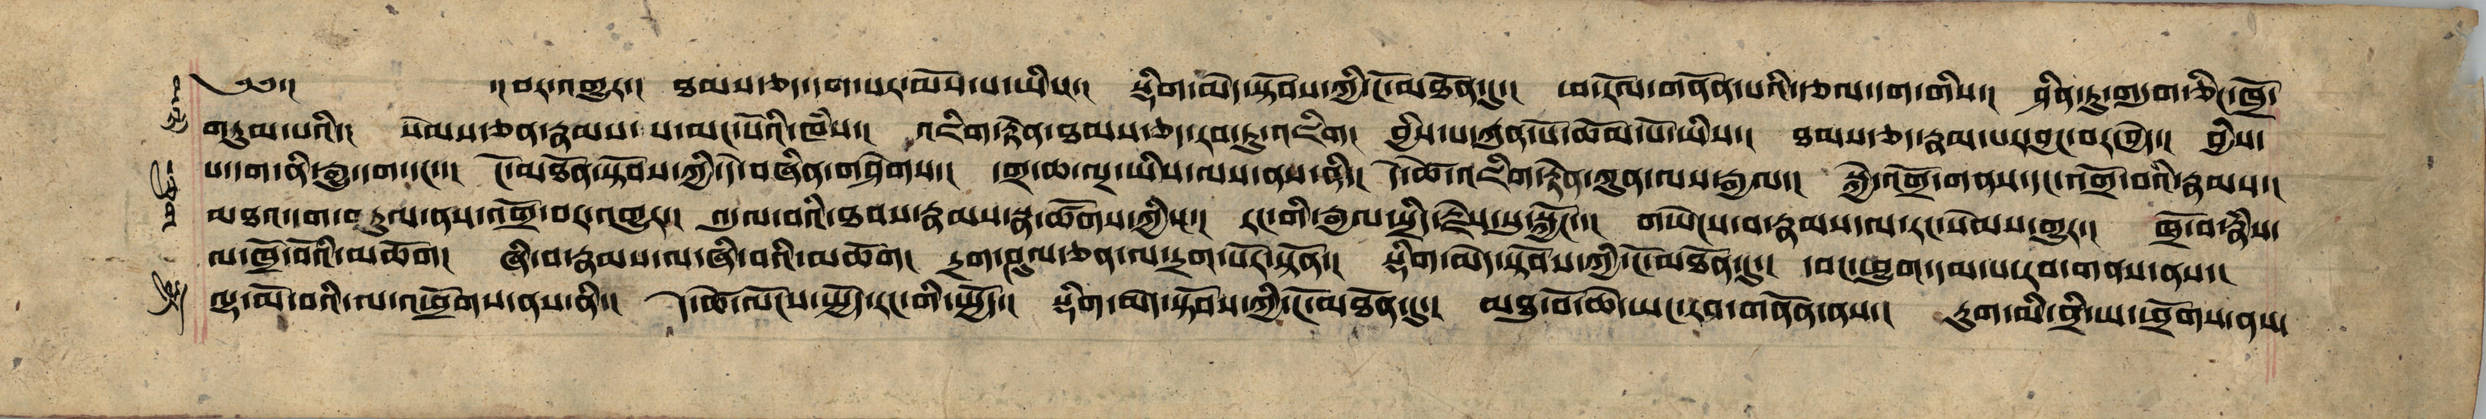༄༅་། ་།བར་འགྱུར་། ཐམས་ཅད་དག་པར་མོས་པ་ཡིས་། སྡིག་མེད་སྟོབས་ཀྱི་ངོ་མཐོན་དུ་། ཕ་རོལ་གནོན་པའི་རྩལ་དག་གིས་། ཤིན་ཏུ་གདུག་ཅིང་ཁྲོ་
གཏུམ་པའི་། སེམས་ཅན་རྣམས་པ་མང་པོའི་ཁཾས་། འཇིག་རྟེན་ཐམས་ཅད་རབ་ཏུ་འཇིག། བྱིས་པ་རྐུན་པོ་ཆོམ་པོ་ཡིས་། ཐམས་ཅད་རྣམ་པར་བྱང་བར་བྱེད་། བྱིས་
པ་དག་ནི་རྒྱུ་དག་དང་་། ངོ་མཐོན་སྟོབས་ཀྱི་དེ་བཞིན་གཤེགས་། དགྲ་ཆ་ལྔ་ཡིས་ལས་ནས་ནི་། དེ་ཚེ་འཇིག་རྟེན་ཀུན་ལས་རྒྱལ་། སྐྱེ་འགྲོ་གནས་དང་འགྲོ་བའི་རྣམས་།
མཐའ་དག་བཏུལ་ནས་འགྲོ་བར་འགྱུར་། འདུལ་བའི་ཐབས་རྣམས་སྣ་ཚོགས་ཀྱིས་། རང་གི་རྒྱལ་སྲིད་རྗེས་སུ་སྐྱོང་་། གཡེངས་བ་རྣམས་ལ་རང་སེམས་གྱུར་། ཁྲོ་བོ་རྣཾས་
ལ་ཁྲོ་བོའི་མཆོག། ཞི་བ་རྣམས་ལ་ཞི་བའི་མཆོག། དྲག་ཤུལ་ཅན་ལ་དྲག་པོར་སྟོན་། སྡིག་མེད་སྟོབས་ཀྱི་ངོ་མཐོན་དུ་། དབང་ཕྱུག་དམ་པ་རབ་གནས་ནས་།
ལྷ་མོ་བའི་ལ་འཕྲོགས་ནས་ནི་། དེ་ཚེ་ལོངས་སྤྱོད་རང་གི་སྤྱོད་། སྡིག་མེད་སྟོབས་ཀྱི་ངོ་མཐོན་དུ་། མཐུ་བོ་ཆེ་ཡང་རབ་གནོན་ནས་། རུག་མི་ནྲི་ཡ་ཕྲོགས་ནས།